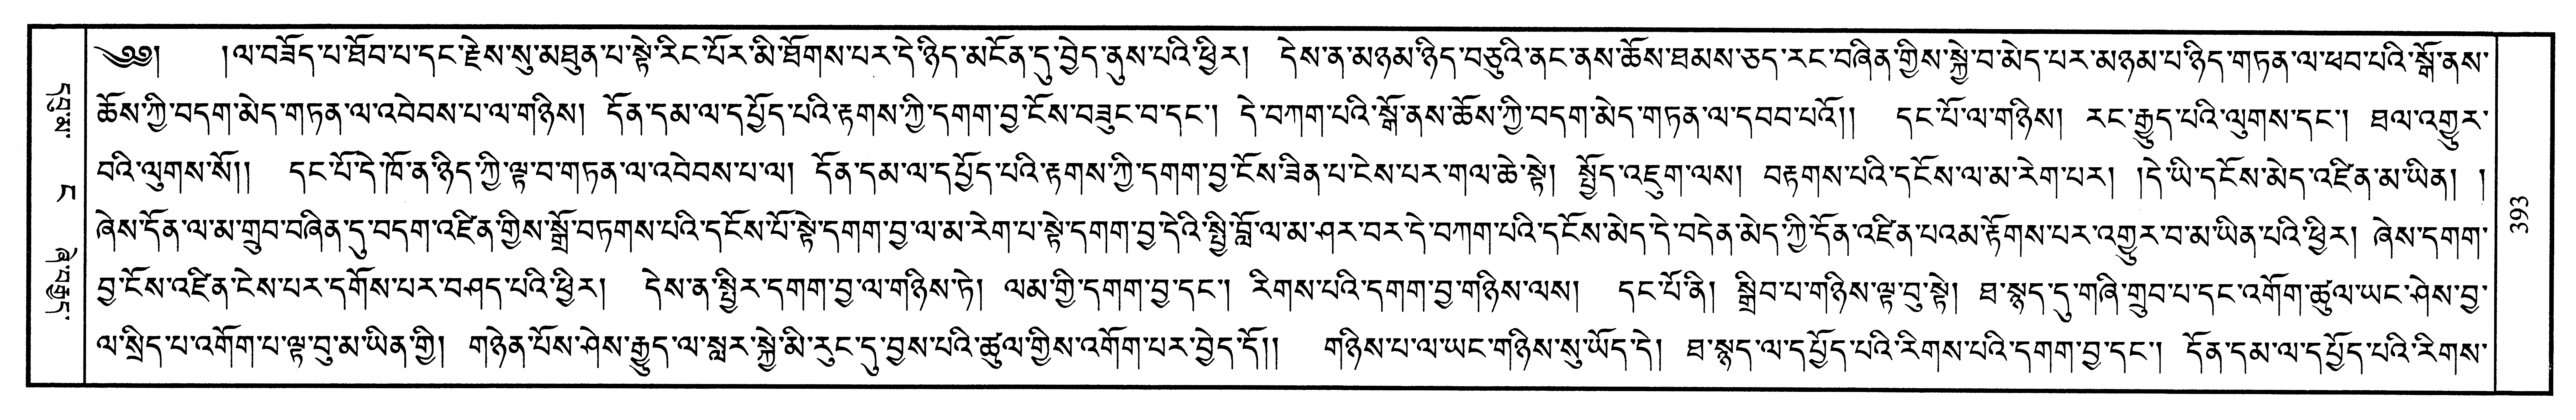༄༅། །ལ་བཟོད་པ་ཐོབ་པ་དང་རྗེས་སུ་མཐུན་པ་སྟེ་རིང་པོར་མི་ཐོགས་པར་དེ་ཉིད་མངོན་དུ་བྱེད་ནུས་པའི་ཕྱིར། དེས་ན་མཉམ་ཉིད་བཅུའི་ནང་ནས་ཆོས་ཐམས་ཅད་རང་བཞིན་གྱིས་སྐྱེ་བ་མེད་པར་མཉམ་པ་ཉིད་གཏན་ལ་ཕབ་པའི་སྒོ་ནས་
ཆོས་ཀྱི་བདག་མེད་གཏན་ལ་འབེབས་པ་ལ་གཉིས། དོན་དམ་ལ་དཔྱོད་པའི་རྟགས་ཀྱི་དགག་བྱ་ངོས་བཟུང་བ་དང་། དེ་བཀག་པའི་སྒོ་ནས་ཆོས་ཀྱི་བདག་མེད་གཏན་ལ་དབབ་པའོ།། དང་པོ་ལ་གཉིས། རང་རྒྱུད་པའི་ལུགས་དང་། ཐལ་འགྱུར་
བའི་ལུགས་སོ།། དང་པོ་དེ་ཁོ་ན་ཉིད་ཀྱི་ལྟ་བ་གཏན་ལ་འབེབས་པ་ལ། དོན་དམ་ལ་དཔྱོད་པའི་རྟགས་ཀྱི་དགག་བྱ་ངོས་ཟིན་པ་ངེས་པར་གལ་ཆེ་སྟེ། སྤྱོད་འཇུག་ལས། བརྟགས་པའི་དངོས་ལ་མ་རེག་པར། །དེ་ཡི་དངོས་མེད་འཛིན་མ་ཡིན། །
ཞེས་དོན་ལ་མ་གྲུབ་བཞིན་དུ་བདག་འཛིན་གྱིས་སྒྲོ་བཏགས་པའི་དངོས་པོ་སྟེ་དགག་བྱ་ལ་མ་རེག་པ་སྟེ་དགག་བྱ་དེའི་སྤྱི་བློ་ལ་མ་ཤར་བར་དེ་བཀག་པའི་དངོས་མེད་དེ་བདེན་མེད་ཀྱི་དོན་འཛིན་པའམ་རྟོགས་པར་འགྱུར་བ་མ་ཡིན་པའི་ཕྱིར། ཞེས་དགག་
བྱ་ངོས་འཛིན་ངེས་པར་དགོས་པར་བཤད་པའི་ཕྱིར། དེས་ན་སྤྱིར་དགག་བྱ་ལ་གཉིས་ཏེ། ལམ་གྱི་དགག་བྱ་དང་། རིགས་པའི་དགག་བྱ་གཉིས་ལས། དང་པོ་ནི། སྒྲིབ་པ་གཉིས་ལྟ་བུ་སྟེ། ཐ་སྙད་དུ་གཞི་གྲུབ་པ་དང་འགོག་ཚུལ་ཡང་ཤེས་བྱ་
ལ་སྲིད་པ་འགོག་པ་ལྟ་བུ་མ་ཡིན་གྱི། གཉེན་པོས་ཤེས་རྒྱུད་ལ་སླར་སྐྱེ་མི་རུང་དུ་བྱས་པའི་ཚུལ་གྱིས་འགོག་པར་བྱེད་དོ།། གཉིས་པ་ལ་ཡང་གཉིས་སུ་ཡོད་དེ། ཐ་སྙད་ལ་དཔྱོད་པའི་རིགས་པའི་དགག་བྱ་དང་། དོན་དམ་ལ་དཔྱོད་པའི་རིགས་